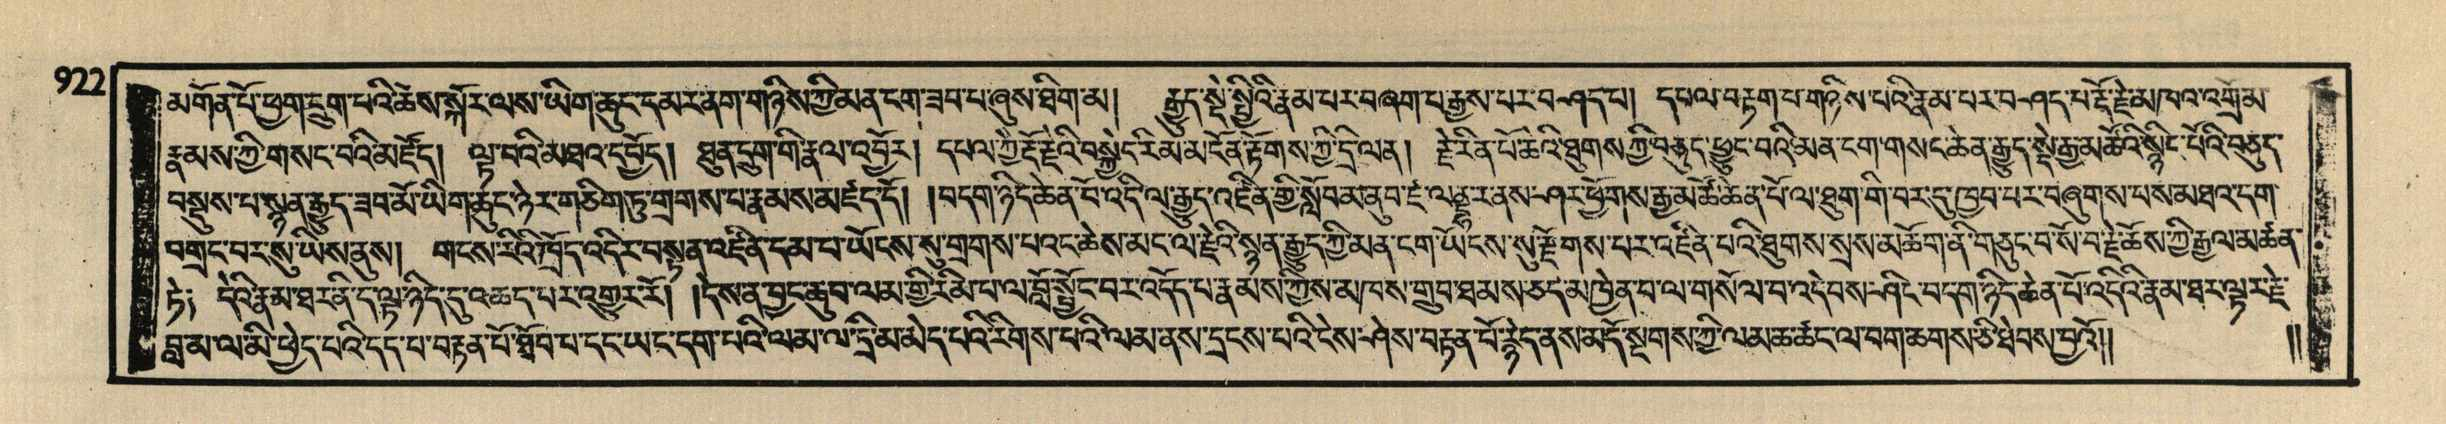མགོན་པོ་ཕྱག་དྲུག་པའི་ཆོས་སྐོར་ལས་ཡིག་ཆུང་དམར་ནག་གཉིས་ཀྱི་མན་ངག་ཟབ་པ་ཞུས་ཐིག་མ། རྒྱུད་སྡེ་སྤྱིའི་རྣམ་པར་བཞག་པ་རྒྱས་པར་བཤད་པ། དཔལ་བརྟག་པ་གཉིས་པའི་རྣམ་པར་བཤད་པ་རྡོ་རྗེ་མཁའ་འགྲོ་མ་
རྣམས་ཀྱི་གསང་བའི་མཛོད། ལྟ་བའི་མཐའ་དཔྱོད། ཐུན་དྲུག་གི་རྣལ་འབྱོར། དཔལ་ཀྱེ་རྡོ་རྗེའི་བསྐྱེད་རིམ་མངོན་རྟོགས་ཀྱི་དྲི་ལན། རྗེ་རིན་པོ་ཆེའི་ཐུགས་ཀྱི་བཅུད་ཕྱུང་བའི་མན་ངག་གསང་ཆེན་རྒྱུད་སྡེ་རྒྱ་མཚོའི་སྙིང་པོའི་བཅུད་
བསྡུས་པ་སྙན་རྒྱུད་ཟབ་མོ་ཡིག་ཆུང་ཉེར་གཅིག་ཏུ་གྲགས་པ་རྣམས་མཛད་དོ། །བདག་ཉིད་ཆེན་པོ་འདི་ལ་རྒྱུད་འཛིན་གྱི་སློབ་མ་ནུབ་ཛ་ལནྡྷ་ར་ནས་ཤར་ཕྱོགས་རྒྱ་མཚོ་ཆེན་པོ་ལ་ཐུག་གི་བར་དུ་ཁྱབ་པར་བཞུགས་པས་མཐའ་དག་
བགྲང་བར་སུ་ཡིས་ནུས། གངས་རིའི་ཁྲོད་འདིར་བསྟན་འཛིན་དམ་པ་ཡོངས་སུ་གྲགས་པའང་ཆེས་མང་ལ་རྗེའི་སྙན་རྒྱུད་ཀྱི་མན་ངག་ཡོངས་སུ་རྫོགས་པར་འཛིན་པའི་ཐུགས་སྲས་མཆོག་ནི་གཅུང་བ་སོ་བ་རྗེ་ཆོས་ཀྱི་རྒྱལ་མཚན་
ཏེ༑ དེའི་རྣམ་ཐར་ནི་ད་ལྟ་ཉིད་དུ་འཆད་པར་འགྱུར་རོ། །དེས་ན་བྱང་ཆུབ་ལམ་གྱི་རིམ་པ་ལ་བློ་སྦྱོང་བར་འདོད་པ་རྣམས་ཀྱིས་མཁས་གྲུབ་ཐམས་ཅད་མཁྱེན་པ་ལ་གསོལ་བ་འདེབས་ཤིང་བདག་ཉིད་ཆེན་པོ་འདིའི་རྣམ་ཐར་ལྟར་རྗེ་
བླ་མ་ལ་མི་ཕྱེད་པའི་དད་པ་བརྟན་པོ་ཐོབ་པ་དང་ཡང་དག་པའི་ལམ་ལ་དྲི་མ་མེད་པའི་རིགས་པའི་ལམ་ནས་དྲངས་པའི་ངེས་ཤེས་བརྟན་པོ་རྙེད་ནས་མདོ་སྔགས་ཀྱི་ལམ་ཆ་ཚང་ལ་བག་ཆགས་ཅི་ཐེབས་བྱའོ།། །།